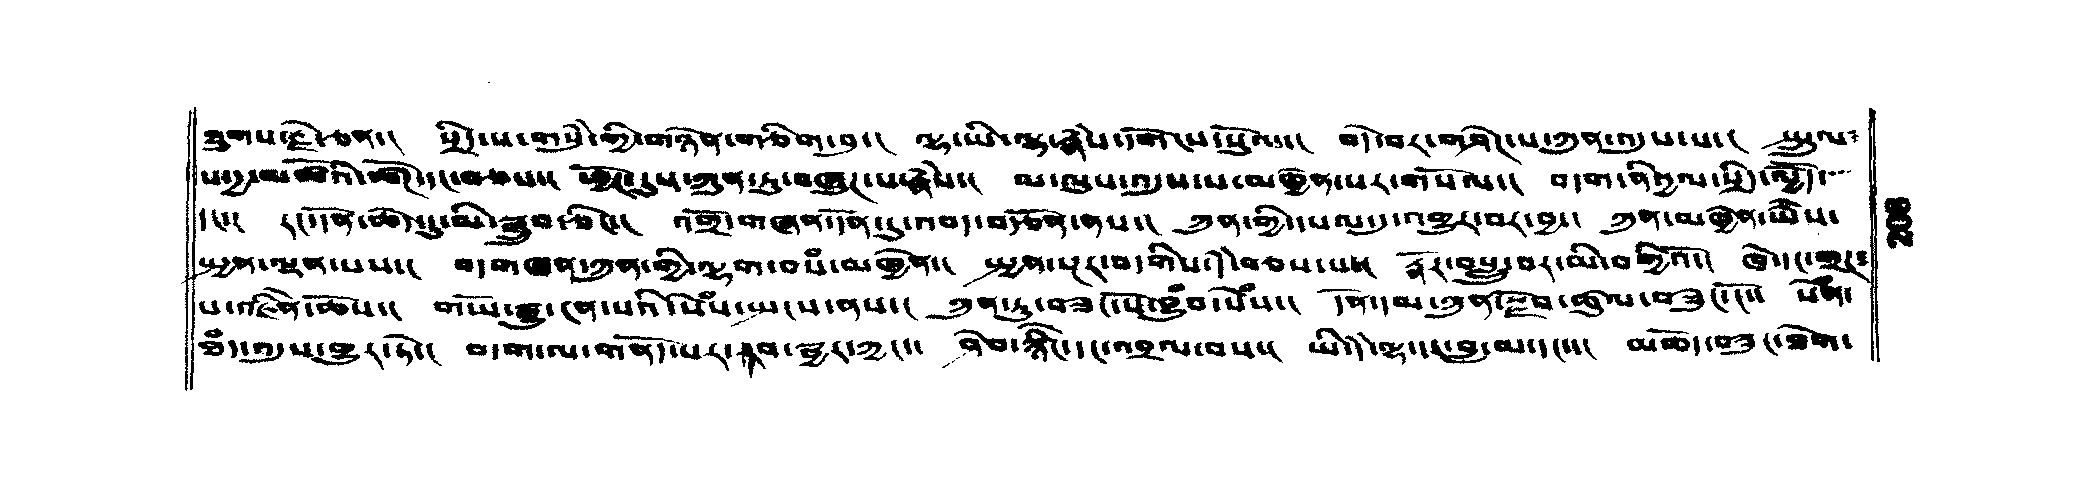ཐུགས་རྗེ་ཅན། །སྲིད་པ་གསུམ་གྱི་གཉེན་གཅིག་བུ། །ལྷ་ཡི་ལྷ་རྣམས་དགོངས་སུ་གསོལ། །བདེ་བར་གཤེགས་པ་ཀུན་འདུས་པ། །སྤྲུལ་
པ་རྒྱ་མཚོའི་ཚོགས་དང་བཅས། །ཕྱོགས་དུས་ཀུན་ཏུ་བཞུགས་པ་རྣམས། །མ་ལུས་འདུས་པ་མཁྱེན་པར་གསོལ། །བདག་ནི་རྒྱལ་སྲིད་ལོངས་
སྤྱོད་དང་། །རང་དོན་ཆེད་དུ་མི་སྒྲུབ་ཅིང་། །འགྲོ་གཞན་དོན་དུ་འབད་བརྩོན་ནས། །ཀུན་གྱི་དཔལ་དུ་འགྱུར་བར་བྱ། །ཀུན་མཁྱེན་ཡེ་ཤེས་
སྤྱན་སྡན་པས། །བདག་གཞན་ཀུན་གྱི་ལྷག་བསམ་མཁྱེན། །སྤྱན་སྔར་བདག་གིས་དམ་བཅས་པ། །རྣལ་འབྱོར་བསླུ་བར་མི་བགྱིའོ། །ཁེ་དང་གྲགས་
པ་འཇིག་རྟེན་ཆོས། །གཡོ་སྒྱུ་ངན་པའི་སེམས་སྤངས་ནས། །ཀུན་ཏུ་བཟང་པོ་བྱང་ཆུབ་སེམས། །དོན་དམ་ཀུན་རྫོབ་ཚུལ་བཟུང་ངོ་། །སེམས་ཅན་
ཐམས་ཅད་འདུས་གྱུར་ཏོ། །བདག་ལ་གནོད་པར་རབ་སྦྱང་ཀྱང་། །ཤེས་རབ་སྙིང་རྗེ་དང་འབྲལ་བས། །ཡི་དམ་ལྷ་དང་བླ་མ་དང་། །མཆོད་བཟུང་ཐེག་